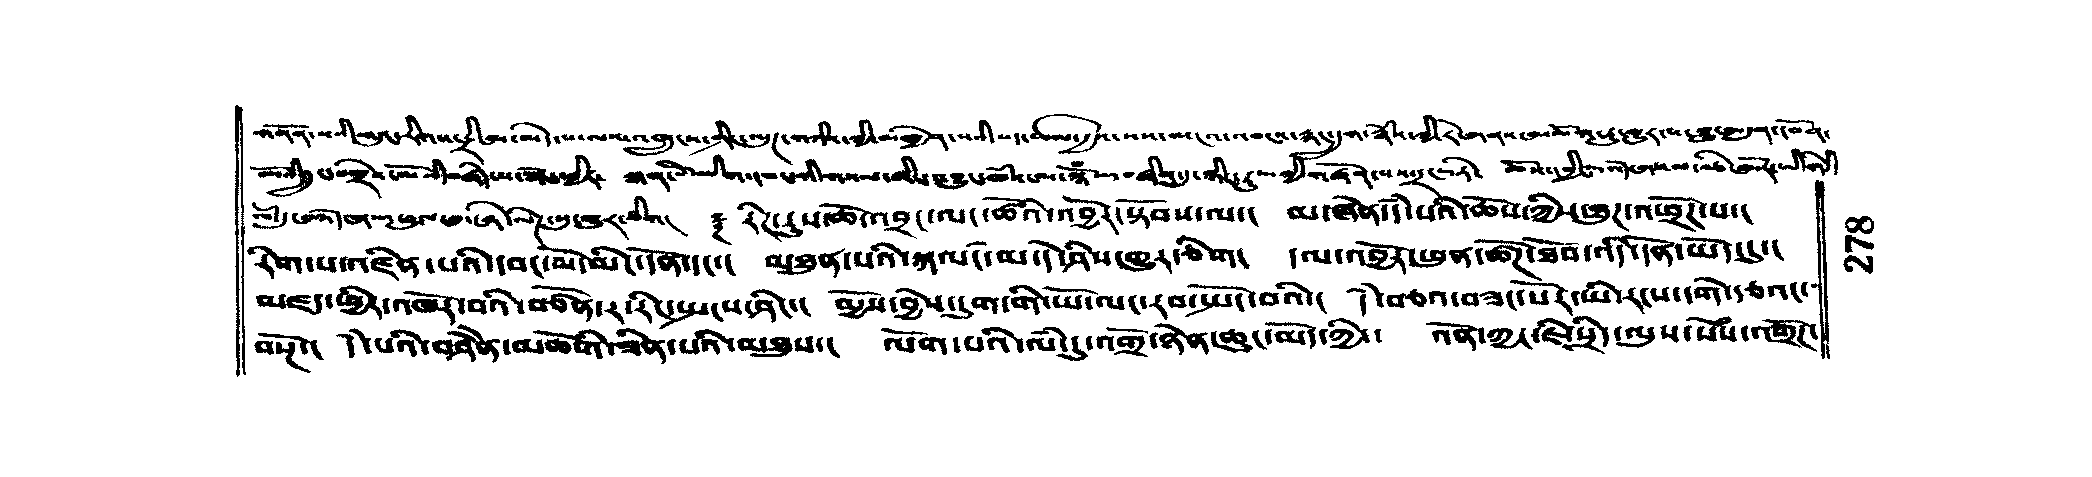གནོན་པའི་གདུང་རིགས་དྲི་མ་མེད་པ་ལས་འཁྲུངས་ཤིང་ལུགས་གཉིས་ཀྱི་མཁྱེན་པའི་པད་ཚལ་རྒྱས་པས་མངའ་འབངས་རྐང་དྲུག་རྣམས་ཀྱི་རོ་གནས་མཆོག་ཏུ་གྱུར་པ་སྐུ་མདུན་དབོན་
པོའི་དྲུང་གྲེས་མོའི་བཞེད་པ་སྐོང་ཕྱིར། རྒན་པོ་མིག་དབང་མི་གསལ་ཞིང་འབྱུང་ཁམས་མ་སྙོམས་བཞིན་དུ་སྙིང་རུས་ཀྱི་གཞོན་པས་དྲངས་ཏེ། ཆོས་དབྱིངས་འོད་གསལ་རྩེ་མོར་ཡི་གེའི་
ལམ་དུ་བཀོད་ནས་ཕུལ་བ་དགེ་ལེགས་སུ་གྱུར་ཅིག། ༈ རིགས་རུས་ཆོ་འབྲང་ལང་འཚོའི་འབྱོར་སྟོབས་ལ། །མ་ཞེན་དམ་པའི་ཆོས་ཀྱིས་ཐུགས་འཕྲོགས་པ། །
རིག་པ་འཛིན་པའི་དབང་མོ་མིང་དོན་ལ། །མཐུན་པའི་སྐལ་བཟང་མ་དེ་ཤིས་གྱུར་ཅིག །དལ་འབྱོར་ཕུན་ཚོགས་ཐོབ་འདི་དོན་ཡོད་དུ། །
མཛད་ཕྱིར་འཁོར་བའི་བཙོན་ར་རིང་སྤངས་ཤིང་། །མྱོས་བྱེད་དུག་གི་ཡོ་ལང་རབ་སྤོང་བའི། །དམ་བཅའ་བཟང་པོར་ཡི་རངས་དགེ་རྩའང་
བསྔོ། །དམ་པའི་བཤེས་གཉེན་མཆོག་གི་ཟིན་པའི་མཐུས། །ལོག་པའི་ལམ་དུ་འགྲོ་ཉེན་ཆུང་མོད་ཀྱི། །འོན་ཀྱང་ཇི་སྲིད་ལུས་སེམས་འགྲོགས་